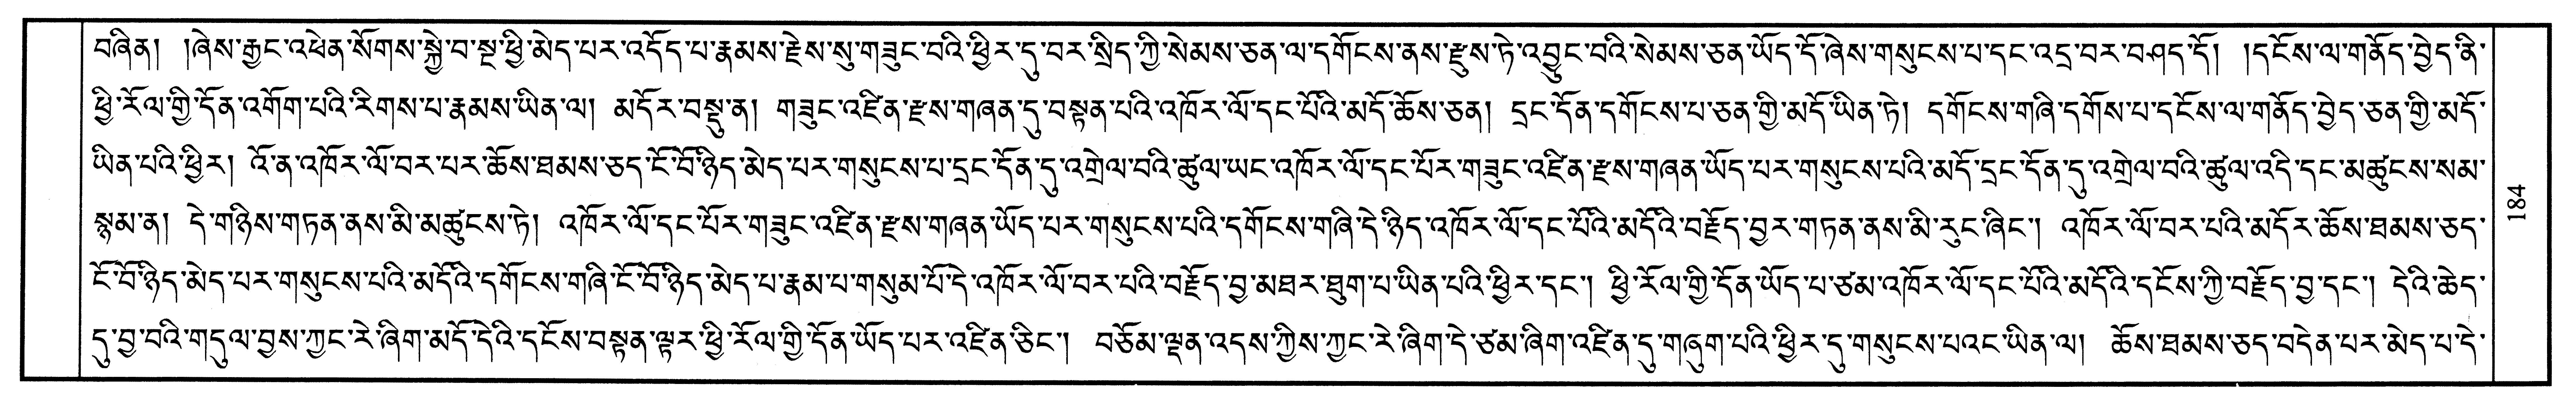བཞིན། །ཞེས་རྒྱང་འཕེན་སོགས་སྐྱེ་བ་སྔ་ཕྱི་མེད་པར་འདོད་པ་རྣམས་རྗེས་སུ་གཟུང་བའི་ཕྱིར་དུ་བར་སྲིད་ཀྱི་སེམས་ཅན་ལ་དགོངས་ནས་རྫུས་ཏེ་འབྱུང་བའི་སེམས་ཅན་ཡོད་དོ་ཞེས་གསུངས་པ་དང་འདྲ་བར་བཤད་དོ། །དངོས་ལ་གནོད་བྱེད་ནི་
ཕྱི་རོལ་གྱི་དོན་འགོག་པའི་རིགས་པ་རྣམས་ཡིན་ལ། མདོར་བསྡུ་ན། གཟུང་འཛིན་རྫས་གཞན་དུ་བསྟན་པའི་འཁོར་ལོ་དང་པོའི་མདོ་ཆོས་ཅན། དྲང་དོན་དགོངས་པ་ཅན་གྱི་མདོ་ཡིན་ཏེ། དགོངས་གཞི་དགོས་པ་དངོས་ལ་གནོད་བྱེད་ཅན་གྱི་མདོ་
ཡིན་པའི་ཕྱིར། འོ་ན་འཁོར་ལོ་བར་པར་ཆོས་ཐམས་ཅད་ངོ་བོ་ཉིད་མེད་པར་གསུངས་པ་དྲང་དོན་དུ་འགྲེལ་བའི་ཚུལ་ཡང་འཁོར་ལོ་དང་པོར་གཟུངས་འཛིན་རྫས་གཞན་ཡོད་པར་གསུངས་པའི་མདོ་དྲང་དོན་དུ་འགྲེལ་བའི་ཚུལ་འདི་དང་མཚུངས་སམ་
སྙམ་ན། དེ་གཉིས་གཏན་ནས་མི་མཚུངས་ཏེ། འཁོར་ལོ་དང་པོར་གཟུངས་འཛིན་རྫས་གཞན་ཡོད་པར་གསུངས་པའི་དགོངས་གཞི་དེ་ཉིད་འཁོར་ལོ་དང་པོའི་མདོའི་བརྗོད་བྱར་གཏན་ནས་མི་རུང་ཞིང་། འཁོར་ལོ་བར་བའི་མདོར་ཆོས་ཐམས་ཅད་
ངོ་བོ་ཉིད་མེད་པར་གསུངས་པའི་མདོའི་དགོངས་གཞི་ངོ་བོ་ཉིད་མེད་པ་རྣམ་པ་གསུམ་པོ་དེ་འཁོར་ལོ་བར་པའི་བརྗོད་བྱ་མཐར་ཐུག་པ་ཡིན་པའི་ཕྱིར་དང་། ཕྱི་རོལ་གྱི་དོན་ཡོད་པ་ཙམ་འཁོར་ལོ་དང་པོའི་མདོའི་དངོས་ཀྱི་བརྗོད་བྱ་དང་། དེའི་ཆེད་
དུ་བྱ་བའི་གདུལ་བྱས་ཀྱང་རེ་ཞིག་མདོ་དེའི་དངོས་བསྟན་ལྟར་ཕྱི་རོལ་གྱི་དོན་ཡོད་པར་འཛིན་ཅིང་། བཅོམ་ལྡན་འདས་ཀྱིས་ཀྱང་རེ་ཞིག་དེ་ཙམ་ཞིག་འཛིན་དུ་གཞུག་པའི་ཕྱིར་དུ་གསུངས་པའང་ཡིན་ལ། ཆོས་ཐམས་ཅད་བདེན་པར་མེད་པ་དེ་